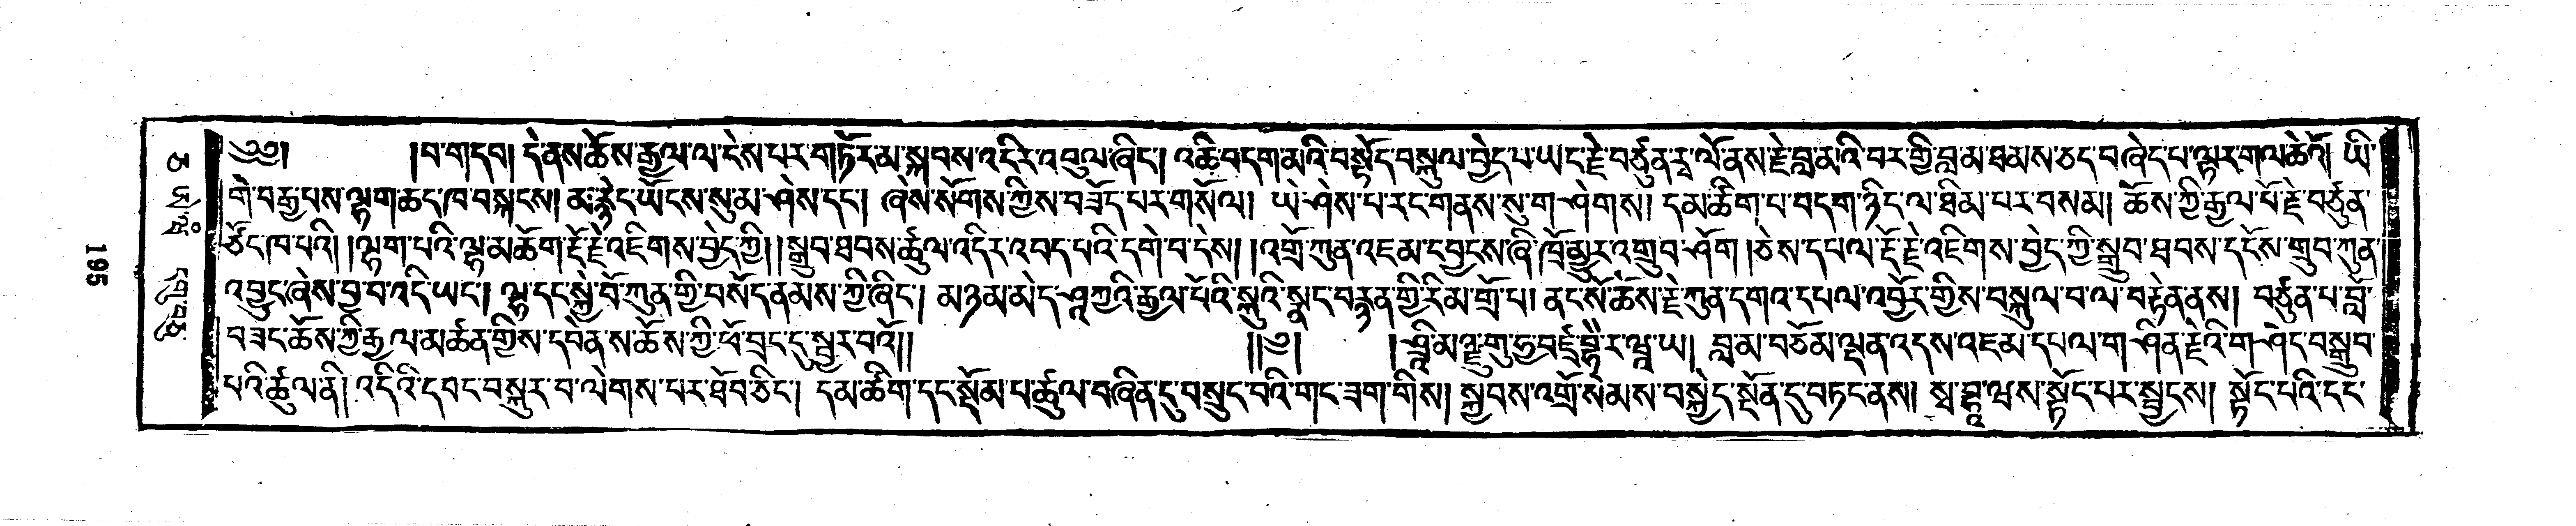༄༅། །བ་གདབ། དེ་ནས་ཆོས་རྒྱལ་ལ་ངེས་པར་གཏོར་མ་སྐབས་འདིར་འབུལ་ཞིང་། འཆི་བདག་མའི་བསྟོད་བསྐུལ་བྱེད་པ་ཡང་རྗེ་བཙུན་རཱ་ལོ་ནས་རྗེ་བླ་མའི་བར་གྱི་བླ་མ་ཐམས་ཅད་བཞེད་པ་ལྟར་གལ་ཆེའོ། ཡི་
གེ་བརྒྱ་པས་ལྷག་ཆད་ཁ་བསྐངས། མ་རྙེད་ཡོངས་སུ་མ་ཤེས་དང་། ཞེས་སོགས་ཀྱིས་བཟོད་པར་གསོལ། ཡེ་ཤེས་པ་རང་གནས་སུ་གཤེགས། དམ་ཚིག་པ་བདག་ཉིད་ལ་ཐིམ་པར་བསམ། ཆོས་ཀྱི་རྒྱལ་པོ་རྗེ་བཙུན་
ཙོང་ཁ་པའི། །ལྷག་པའི་ལྷ་མཆོག་རྡོ་རྗེ་འཇིགས་བྱེད་ཀྱི། །སྒྲུབ་ཐབས་ཚུལ་འདིར་འབད་པའི་དགེ་བ་དེས། །འགྲོ་ཀུན་འཇམ་དབྱངས་ཞི་ཁྲོ་མྱུར་འགྲུབ་ཤོག །ཅེས་དཔལ་རྡོ་རྗེ་འཇིགས་བྱེད་ཀྱི་སྒྲུབ་ཐབས་དངོས་གྲུབ་ཀུན་
འབྱུང་ཞེས་བྱ་བ་འདི་ཡང་། ལྷ་དང་སྐྱེ་བོ་ཀུན་གྱི་བསོད་ནམས་ཀྱི་ཞིང་། མཉམ་མེད་ཤཱཀྱའི་རྒྱལ་པོའི་སྐུའི་སྣང་བརྙན་གྱི་རིམ་གྲོ་པ། ནང་སོ་ཆོས་རྗེ་ཀུན་དགའ་དཔལ་འབྱོར་གྱིས་བསྐུལ་བ་ལ་བརྟེན་ནས། བཙུན་པ་བློ་
བཟང་ཆོས་ཀྱི་རྒྱལ་མཚན་གྱིས་དབེན་ས་ཆོས་ཀྱི་ཕོ་བྲང་དུ་སྦྱར་བའོ།། །།